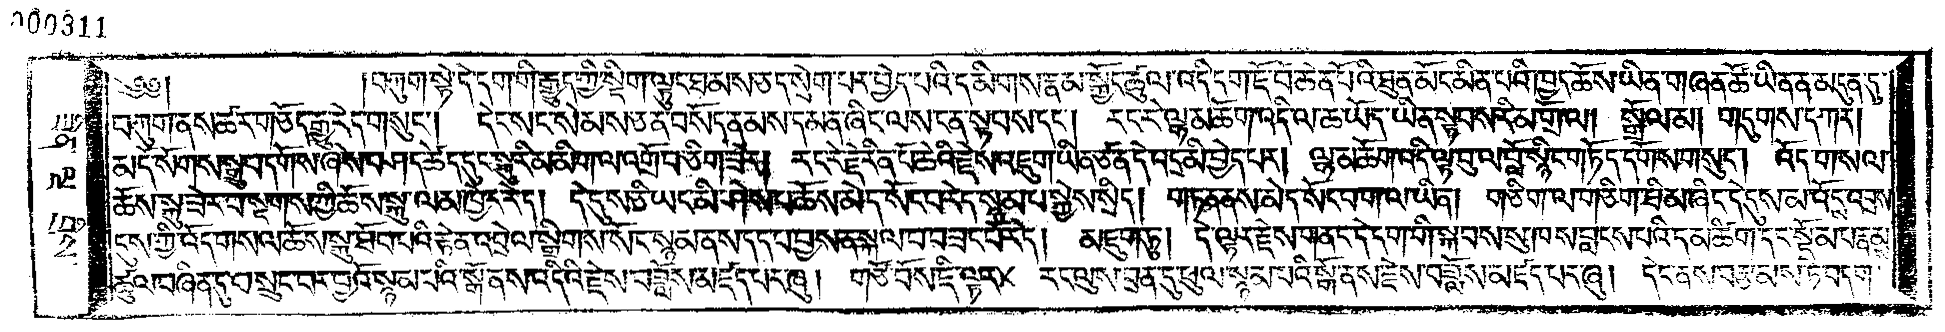༄༅། །བཀུག་སྟེ་དེ་དག་གི་རྒྱུད་ཀྱི་སྡིག་ལྟུང་ཐམས་ཅད་སྲེག་པར་བྱེད་པའི་དམིགས་རྣམ་སྐྱོང་ཚུལ་འདི་དག་ཇོ་བོ་ཆེན་པོའི་ཐུན་མོང་མིན་པའི་ཁྱད་ཆོས་ཡིན་གཞན་ཚོ་ཡིན་ན་མདུན་དུ་
བཀུག་ནས་ཚར་གཅོད་རྒྱུ་རེད་གསུང་། དེང་སང་སེམས་ཅན་བསོད་ནམས་དམན་ཞིང་ལས་ངན་སྟབས་དང་། རང་རེ་ལྷ་མཆོག་འདི་ལ་ཆ་ཡོད་ཡིན་སྟབས་རིམ་གྲོ་ལ། སྒྲོལ་མ། གདུགས་དཀར།
མདོ་སོགས་སྒྲུབ་དགོས་ཞེས་བཤད་ཚེད་དུང་སྐུ་རིམ་མིག་ལ་འགྲོ་བ་ཅིག་ཟེར། རང་རེ་རྗེ་རིན་པོ་ཆེའི་རྗེས་འཇུག་ཡིན་ཙན་དེ་འདྲ་མི་བྱེད་པར། ལྷ་མཆོག་འདི་ལྟ་བུ་ལ་བློ་སྙིང་གཏོད་དགོས་གསུང་། འོད་གསལ་
ཆོས་སྐུ་ཟེར་བ་སྔགས་ཀྱི་ཆོས་སྐུ་ལམ་ཁྱེར་རེད། དེ་དུས་ཅི་ཡང་མི་ཤེས་པ་ཆོས་མེད་སོང་བ་རེད་སྙམ་པ་སྐྱེས་སྲིད། གཏན་ནས་མེད་སོང་བ་ག་ལ་ཡིན། གཅིག་ལ་གཅིག་ཐིམ་ཞིང་དེ་དུས་མ་འོངས་འབྲས་
དུས་ཀྱི་འོད་གསལ་ཆོས་སྐུ་ཐོབ་པའི་རྟེན་འབྲེལ་སྒྲིགས་སོང་སྙམ་ནས་དད་པ་བྱས་ན་སྐལ་བ་བཟང་པོ་རེད། མཇུག་ཏུ། དེ་ལྟར་རྗེས་གནང་དེ་དག་གི་སྐབས་སུ་ཁས་བླངས་པའི་དམ་ཚིག་དང་སྡོམ་པ་རྣམས་
ཚུལ་བཞིན་དུ་བསྲུང་བར་བྱའོ་སྙམ་པའི་སྒོ་ནས་འདིའི་རྗེས་བཟློས་མཛད་པར་ཞུ། གཙོ་བོས་ཇི་ལྟར་྾་རང་ལུས་བྲན་དུ་ཕུལ་སྙམ་པའི་སྒོ་ནས་རྗེས་བཟློས་མཛད་པར་ཞུ། དེང་ནས་བརྩམས་ཏེ་བདག་